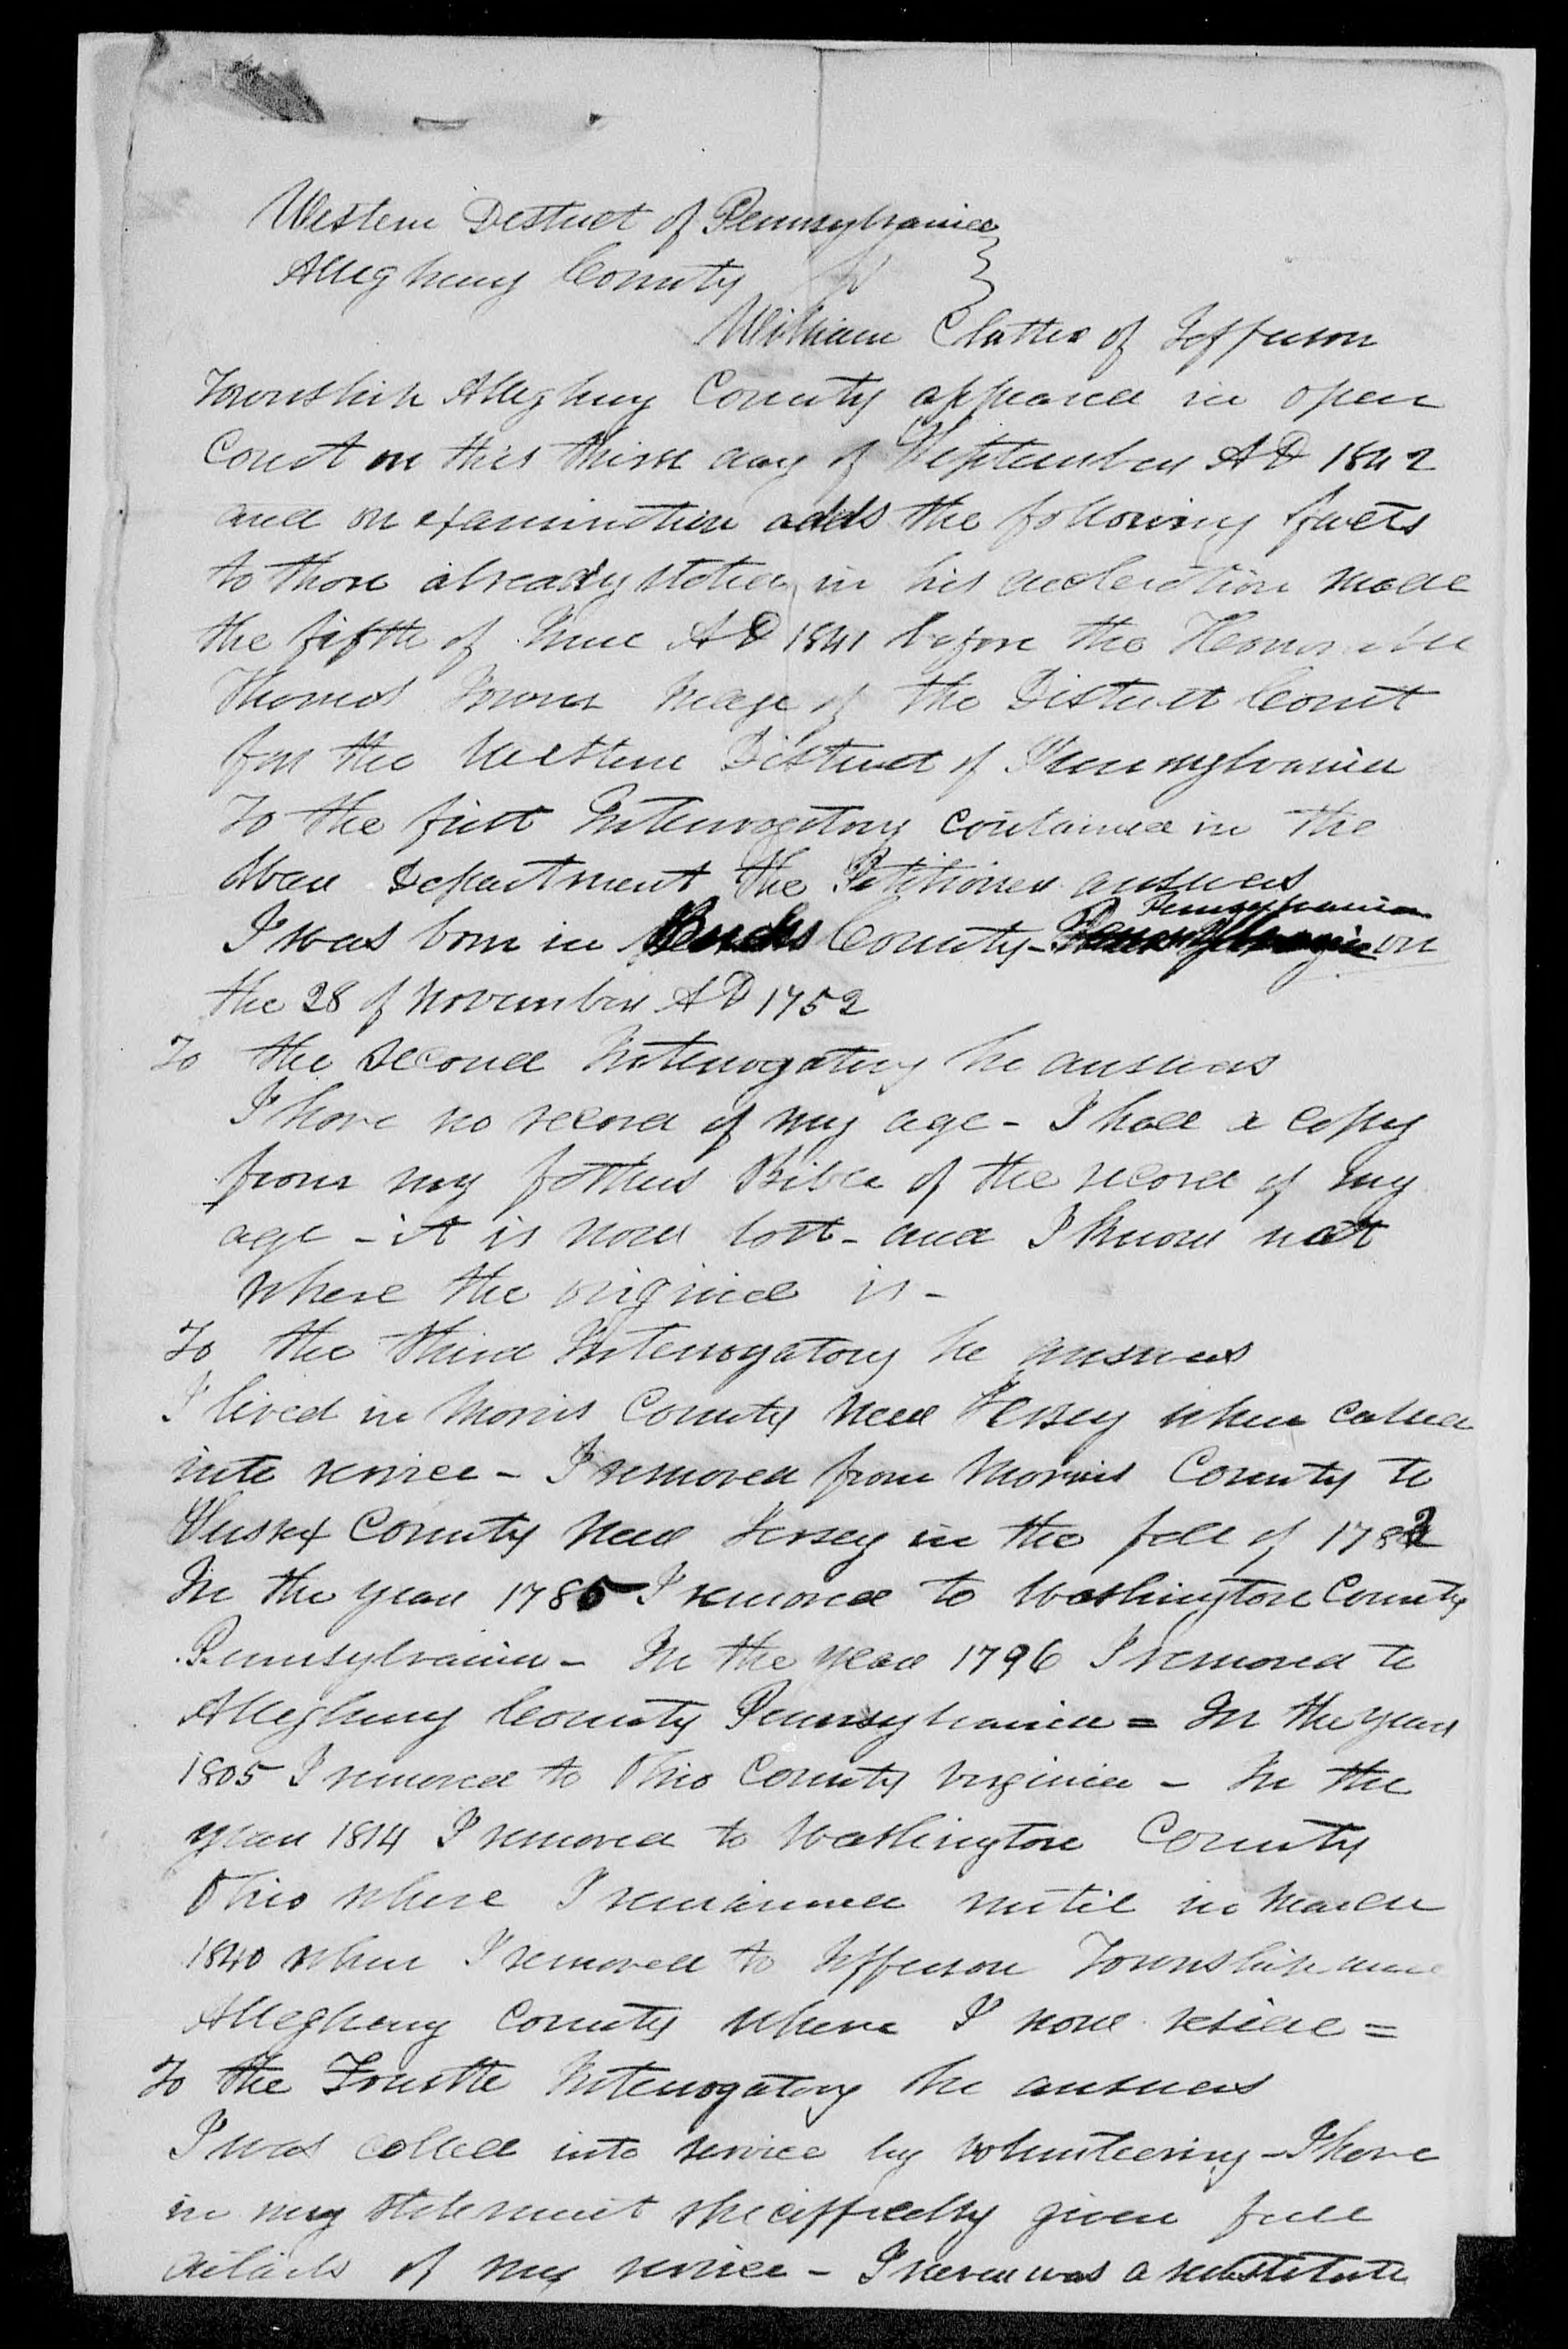Western District of Pennsylvania
Allegheny County }ss.
William Clutter of Jefferson Township, Allegheny County appeared in open court on this third day of September AD 1872 and on examination adds the following facts to those already stated in his declaration made the fifth of June AD 1841 before the Honorable Thomas Irwin, Judge of the District Court for the Western District of Pennsylvania.
To the first interrogatory contained in the War Department the petitioner answers
I was born in Bucks County Pennsylvania the 28 of November AD 1752
To the second interrogatory he answers 
I have no record of my age.  I had a copy from my fathers Bible of the record of my age - it is now lost and I know not where the original is.
To the third interrogatory he answers
I lived in Morris County New Jersey when called into service.  I removed from Morris County to Sussex County New Jersey in the fall of 1783.  In the year 1785 I removed to Washington County Pennsylvania.  In the year 1796 I removed to Allegheny County Pennsylvania.  In the year 1805 I removed to Ohio County [illegible]  In the year 1814 I removed to Washington County.  This where I residenced until in March 1840 when I removed to Jefferson Township in Allegheny County where I now reside.   
To the Fourth Interrogatory he answers
I was called into service by volunteering.  I have in my statement specifically given full detail of my services.  I never was a substitute.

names: William Clutter, Thomas Irwin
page: 28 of 35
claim: rejected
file: R. 2066, William Clutter, New Jersey